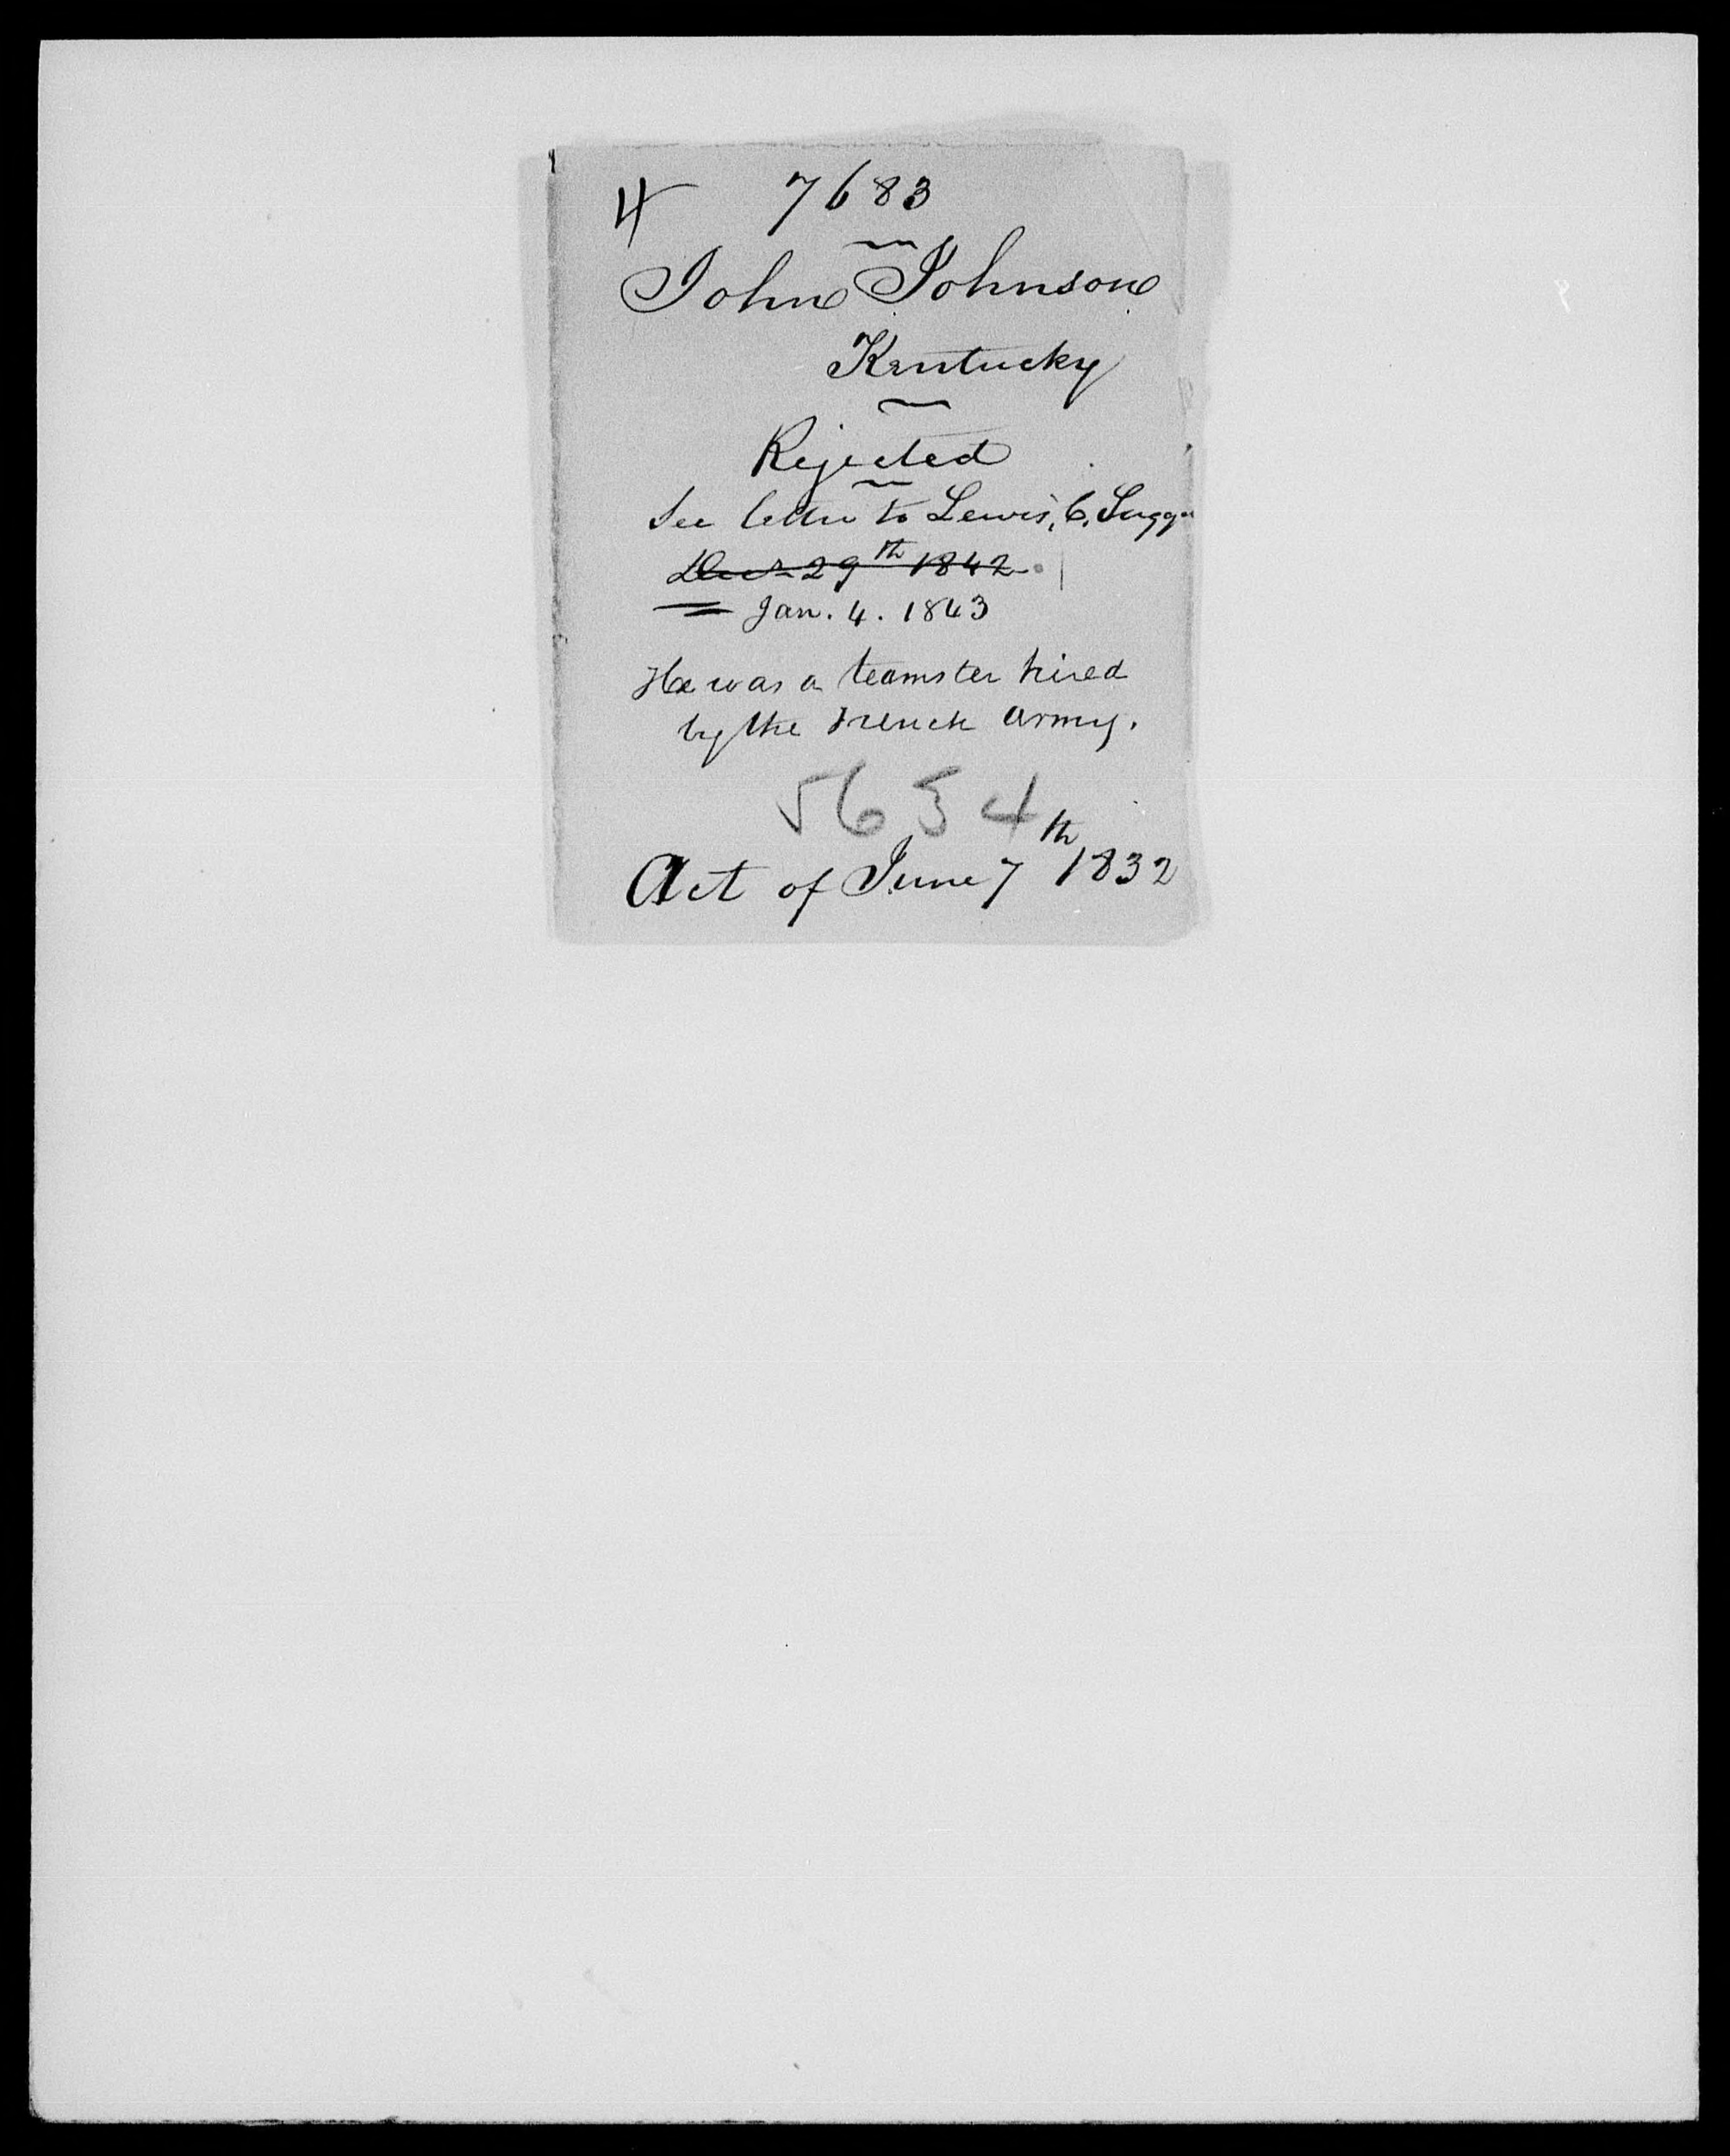4 7683

John Johnson
Kentucky

Rejected
See letter to Lewis C. [illegible]

Jan. 4. 1863

He was a teamster hired by the French Army.

5634
Act of June 7th 1832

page: 9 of 16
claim: rejected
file: R. 5634, for John Johnson, Virginia